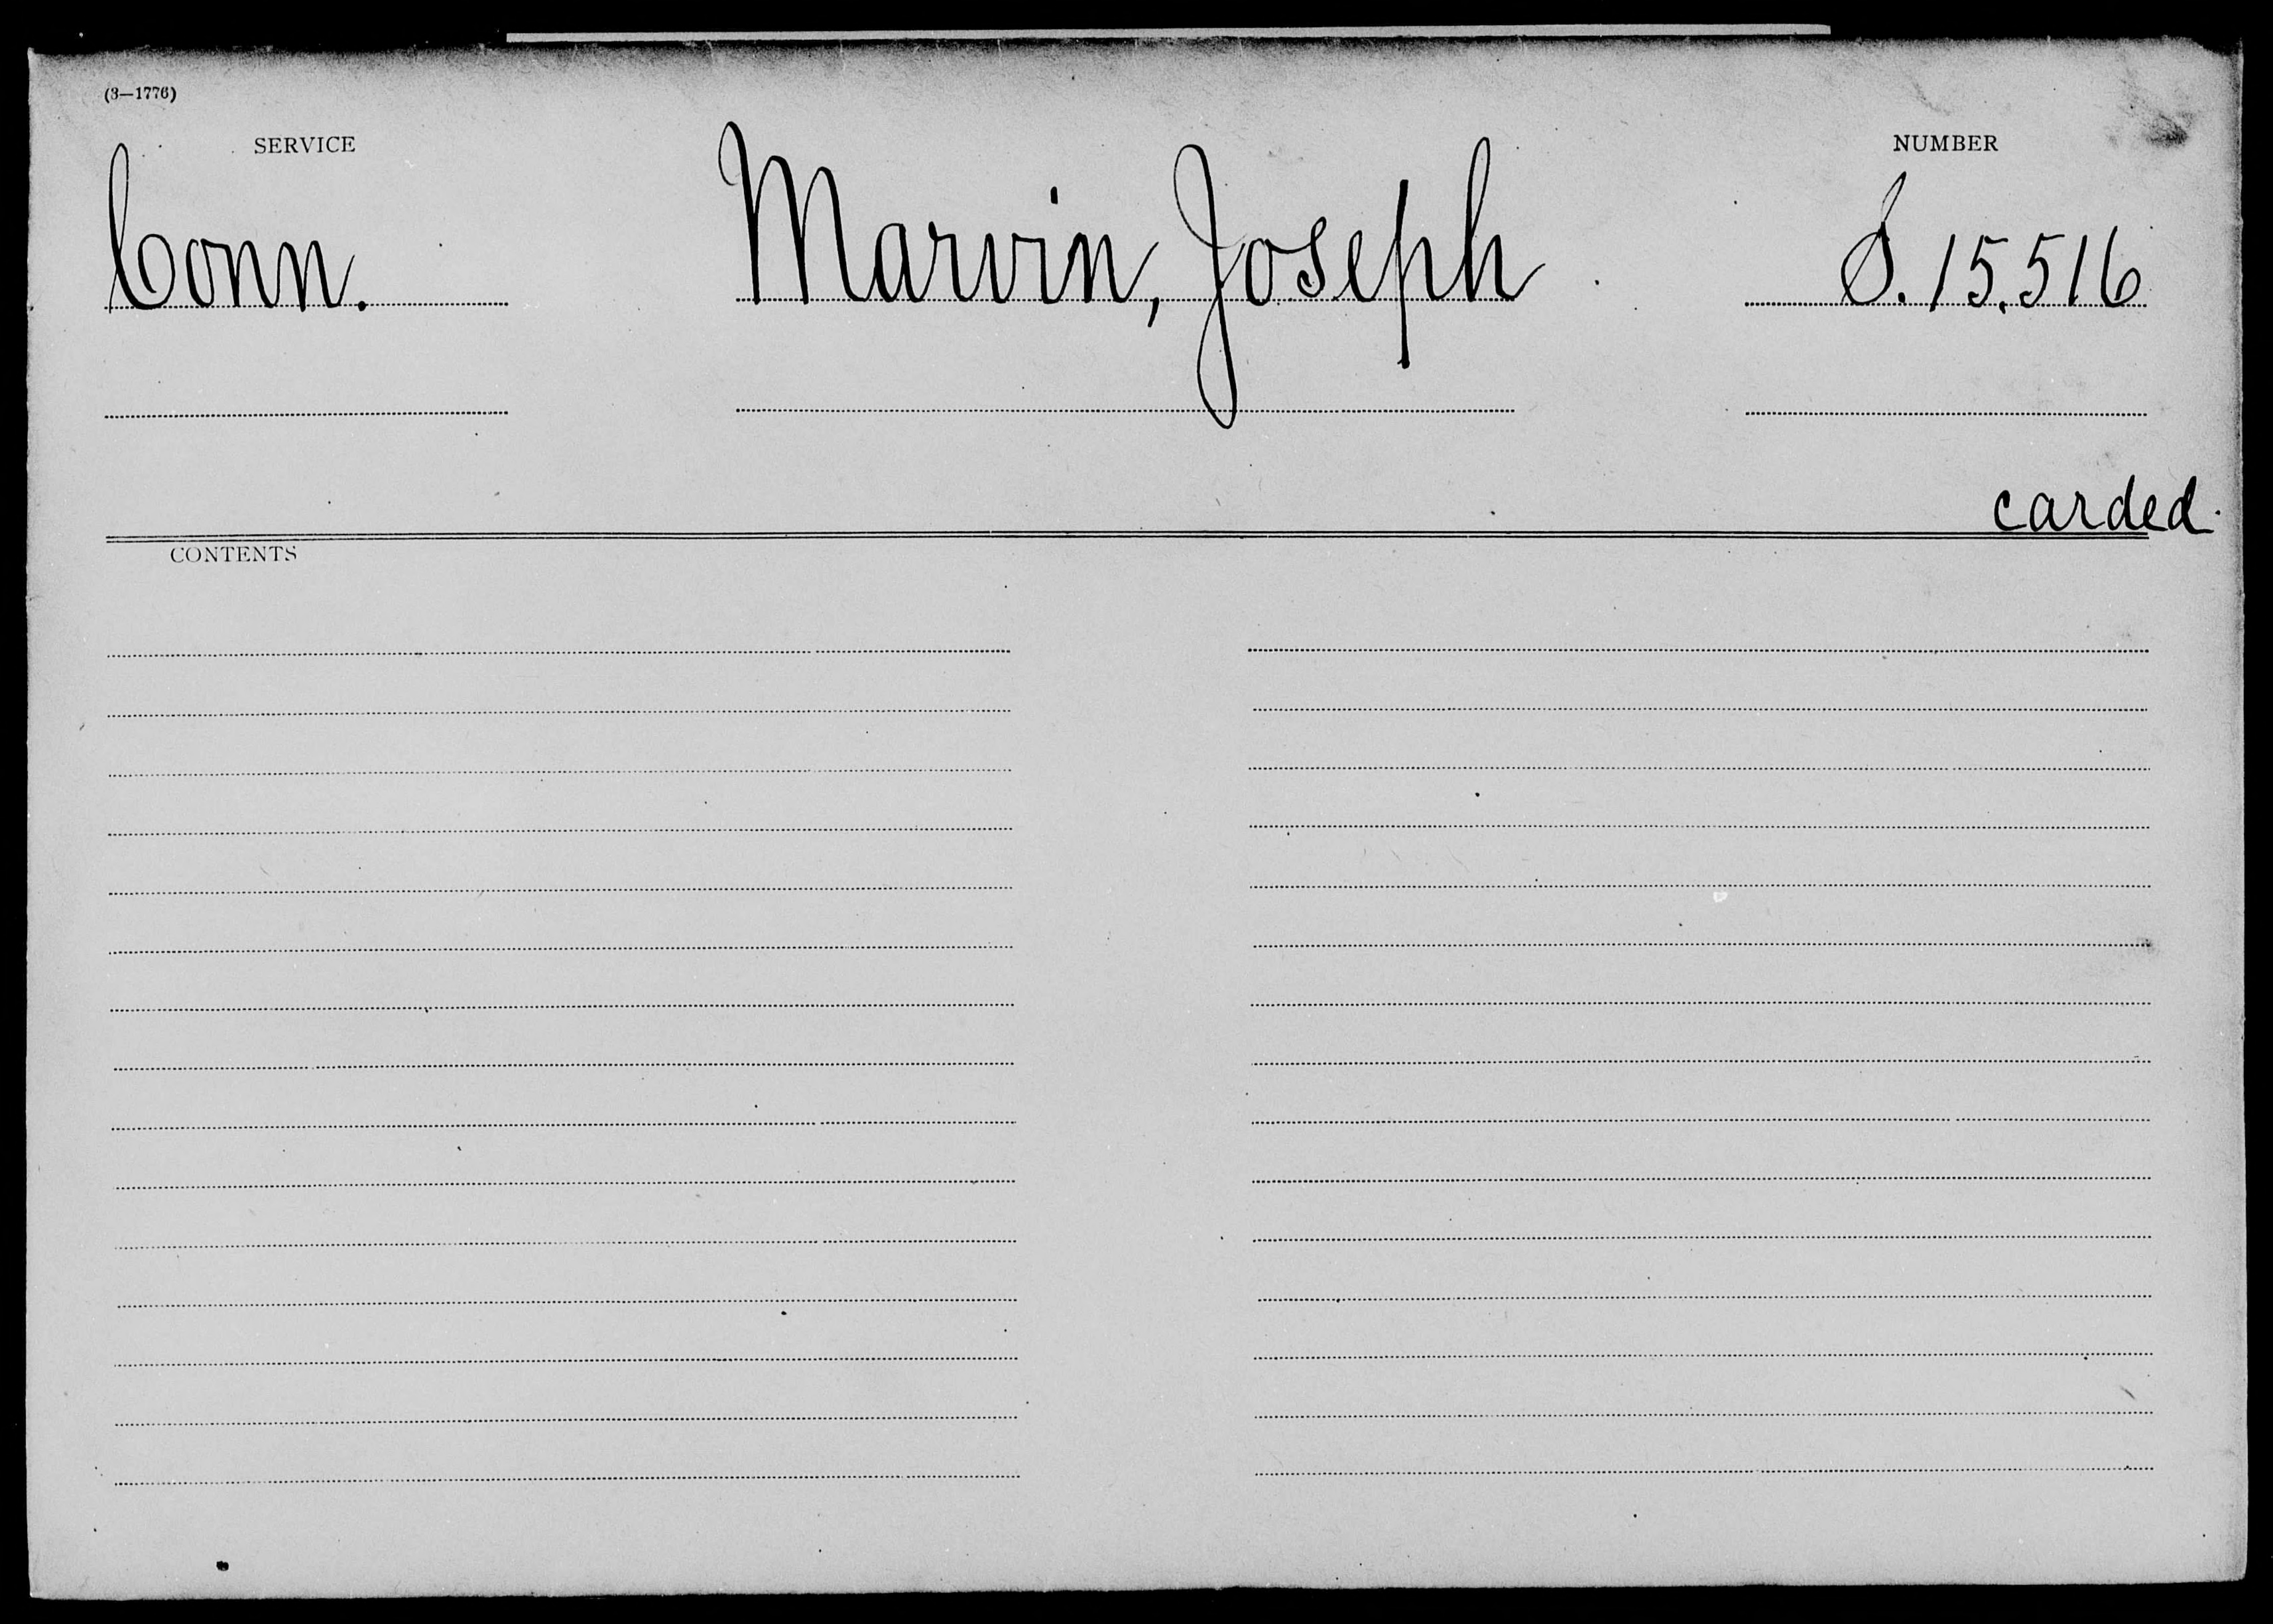(3-- 1776)

SERVICE
Conn.

Marvin, Joseph

NUMBER
S. 15.516

carded
_____________

Contents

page: 1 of 20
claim: survivor's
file: S. 15,516, for Joseph Marvin, Connecticut